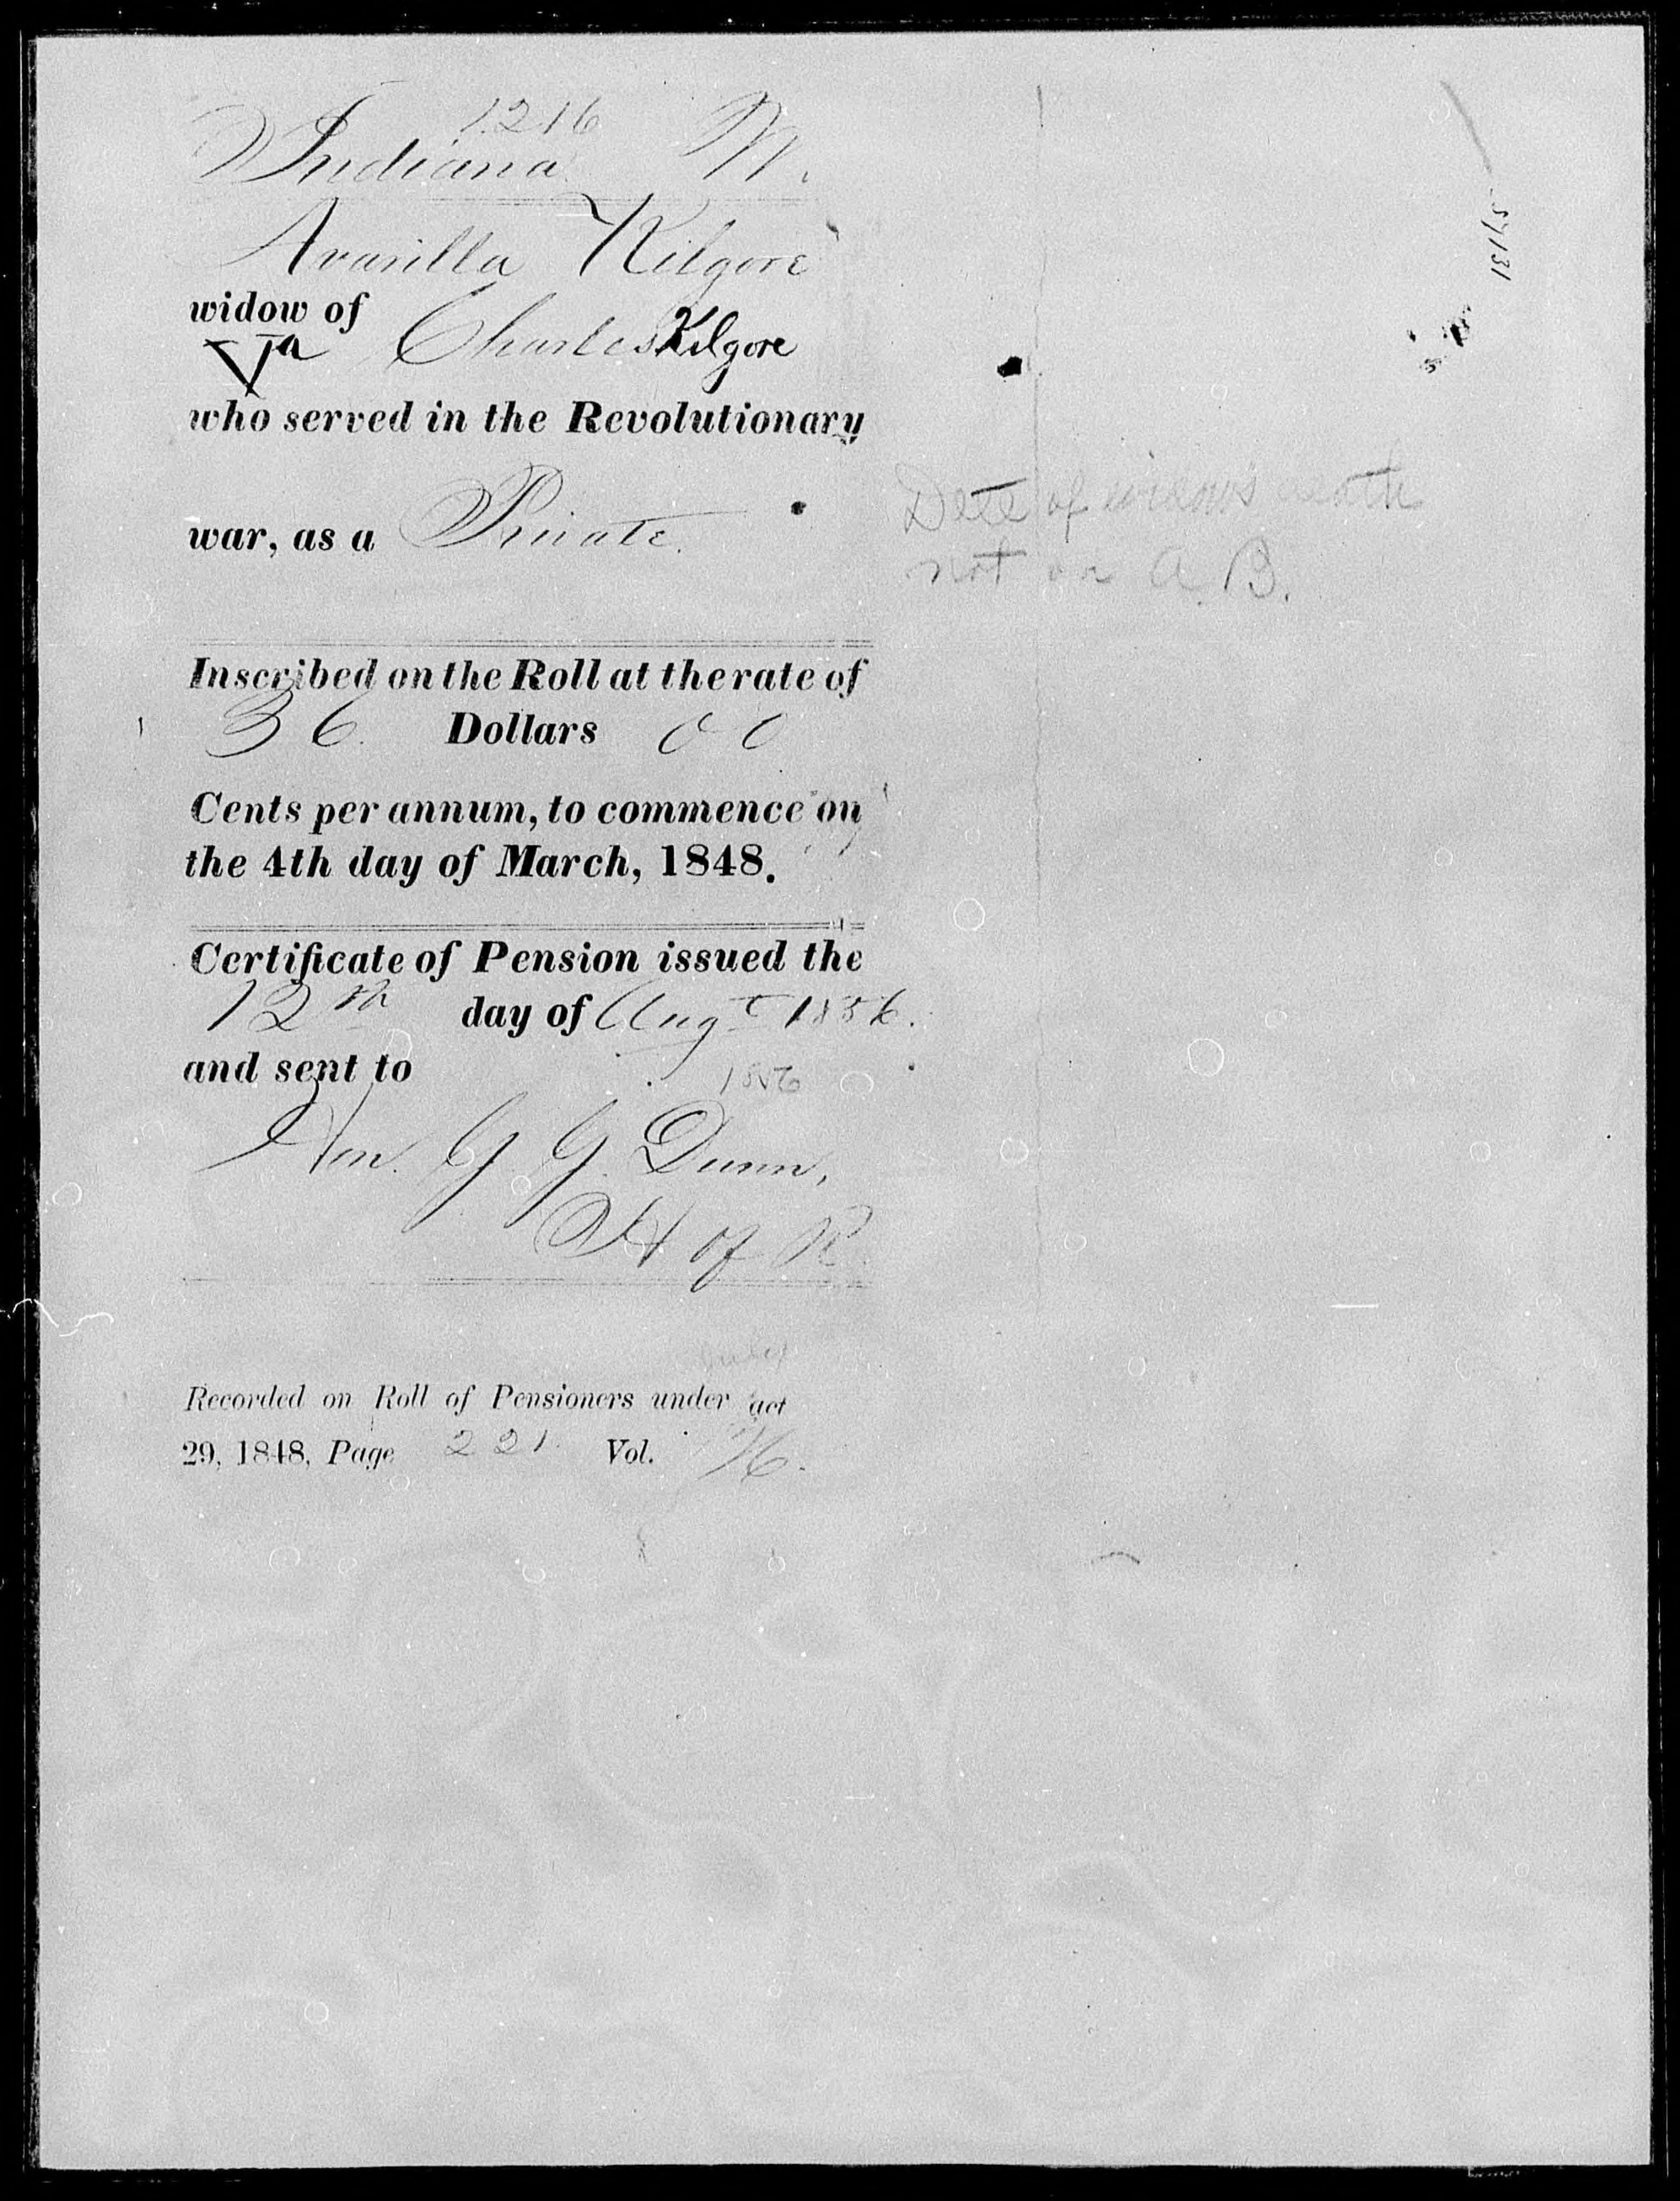4216
Indiana
Avarilla Kilgore widow of Charles Kilgore Va who served in the Revolutionary war, as a Private.
Date of widow's death not on A.B.
Inscribed on the Roll at the rate of 36 Dollars 00 Cents per annum, to commence on the 4th day of March, 1848.
Certificate of Pension issued the 12th day of Augt 1856. and sent to Hon G. G. Dunn, At of R.
Recorded on Roll of Pensions under act 29, 1848, Page 221 Vol. 76.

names: G G Dunn; Charles Kilgore; Avarilla Kilgore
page: 42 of 115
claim: survivor's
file: S. 699, for Charles Kilgore, Virginia